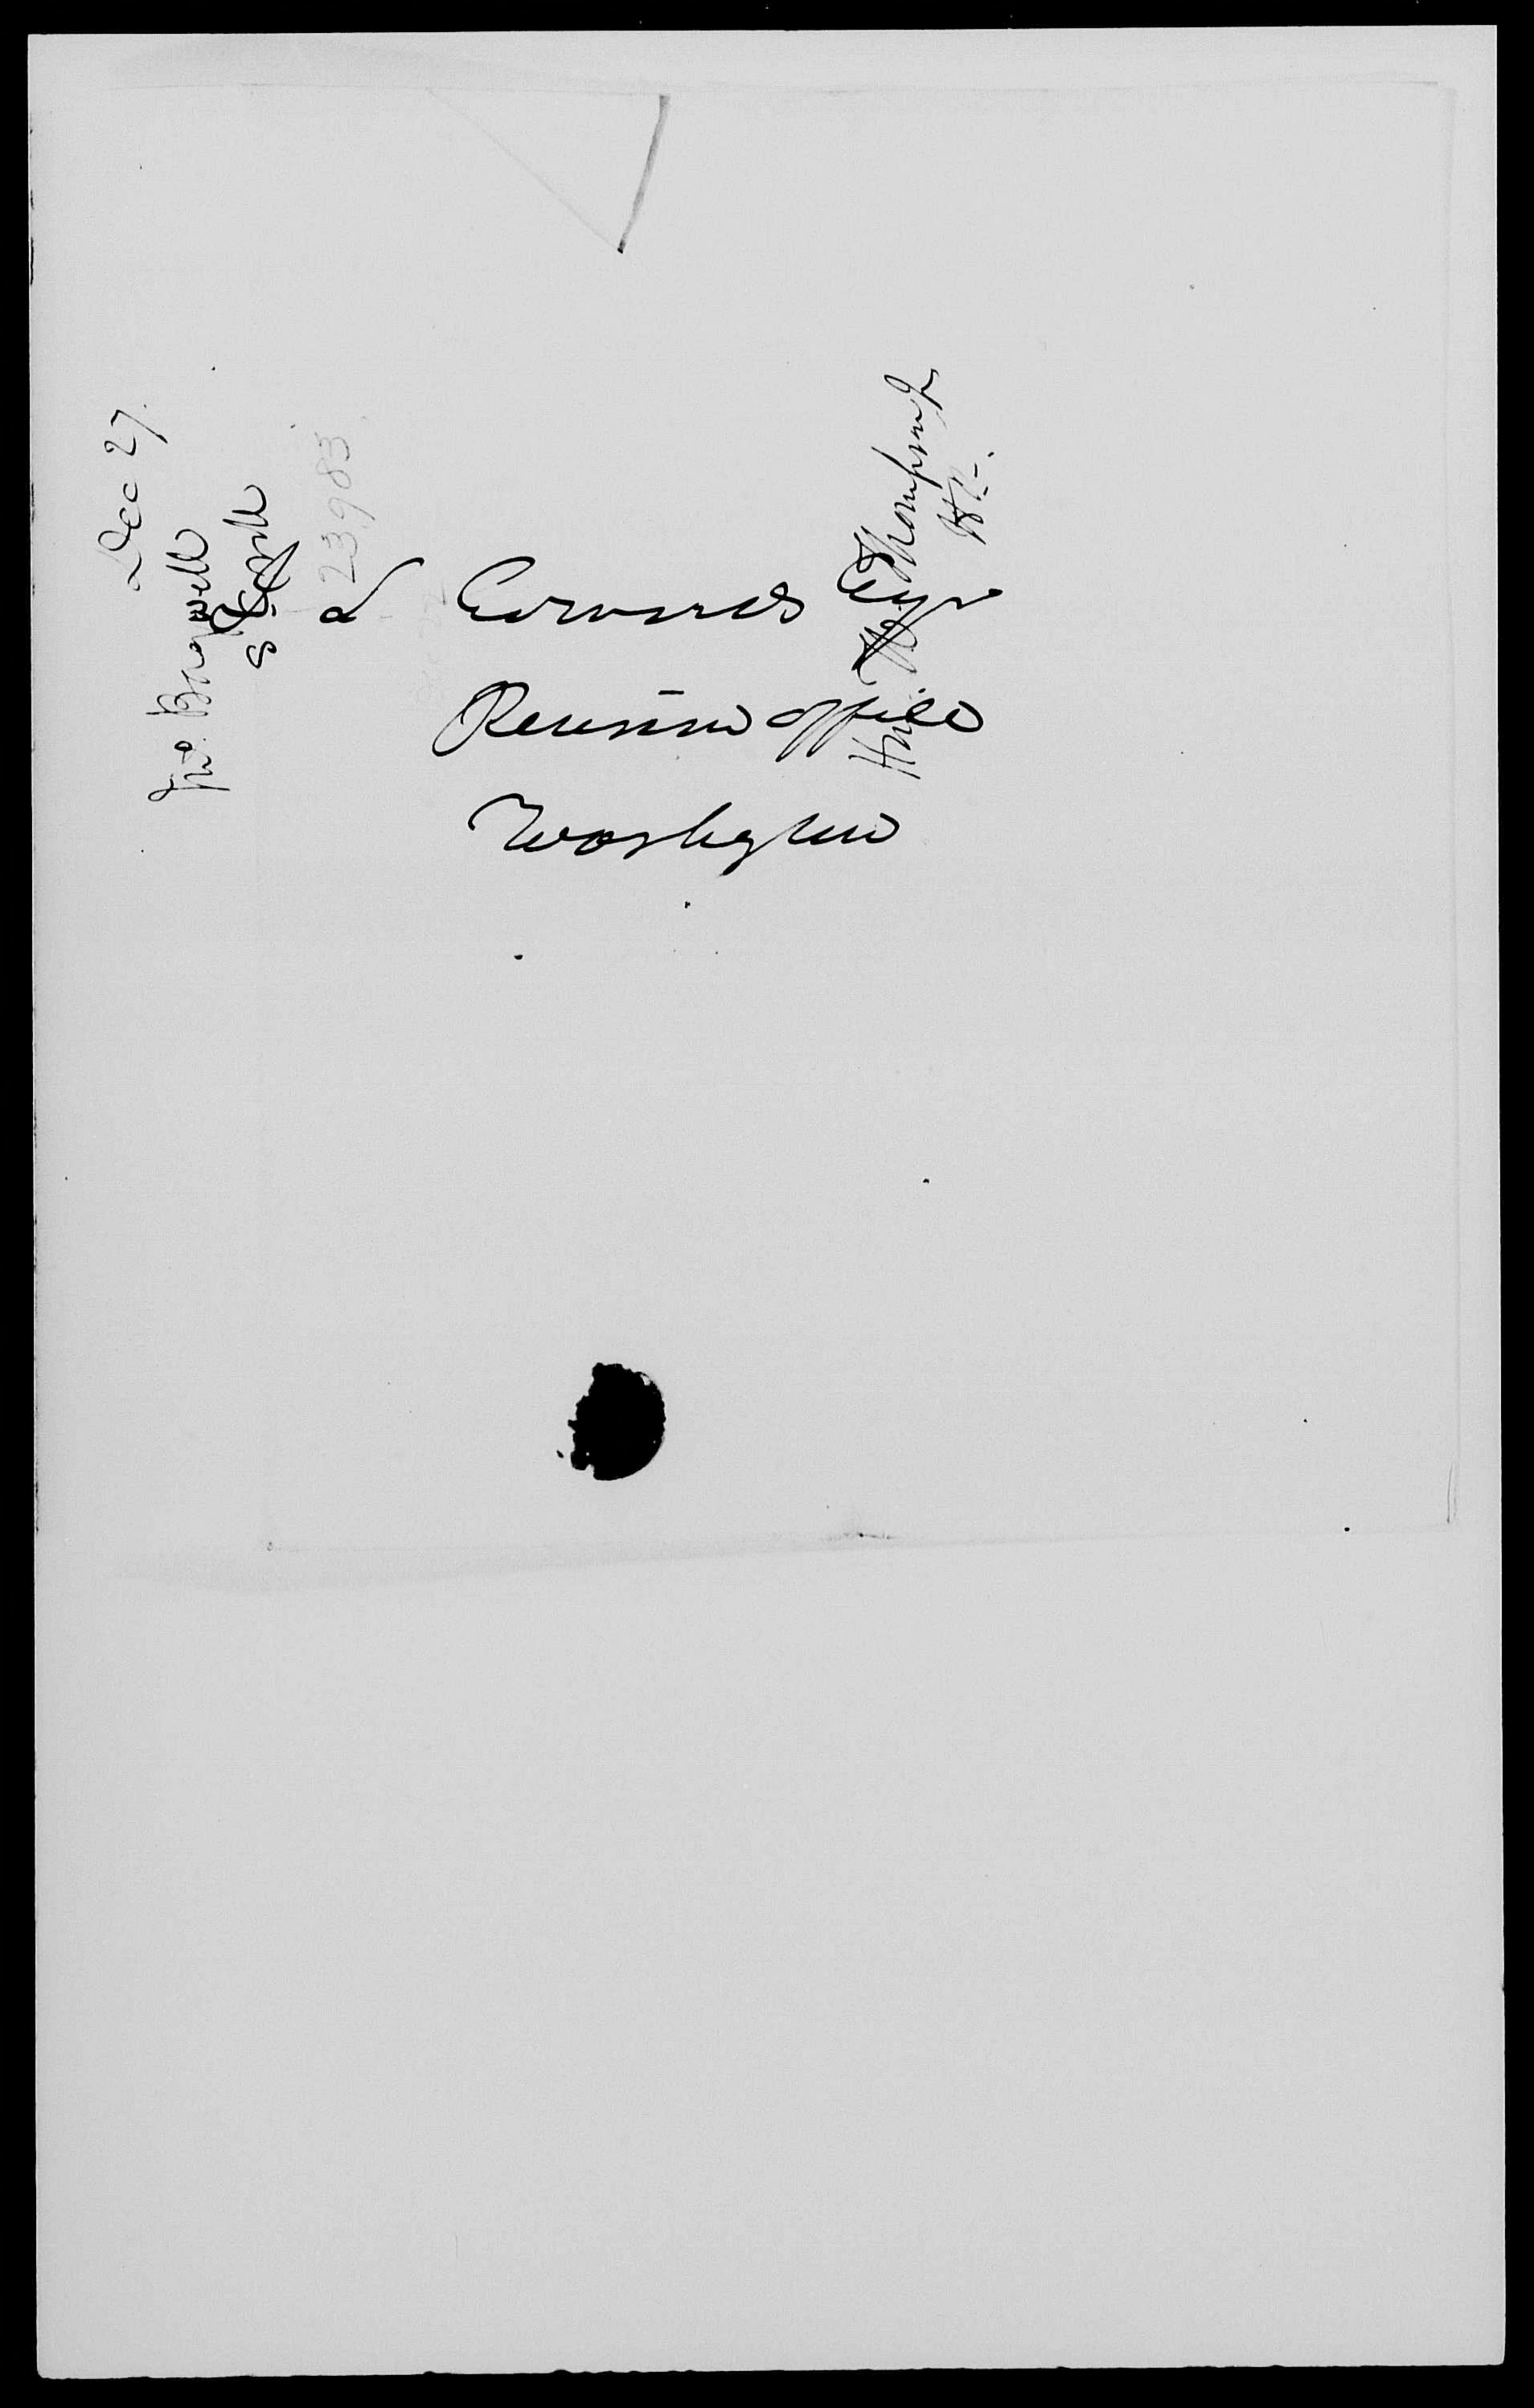Dec 27
John
Bagwell
SC
23983
JL Edwards
Pension office
Washington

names: J L Edwards, Jno Bagwell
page: 28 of 36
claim: survivor's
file: S 6571, John Bagwell, N.C.